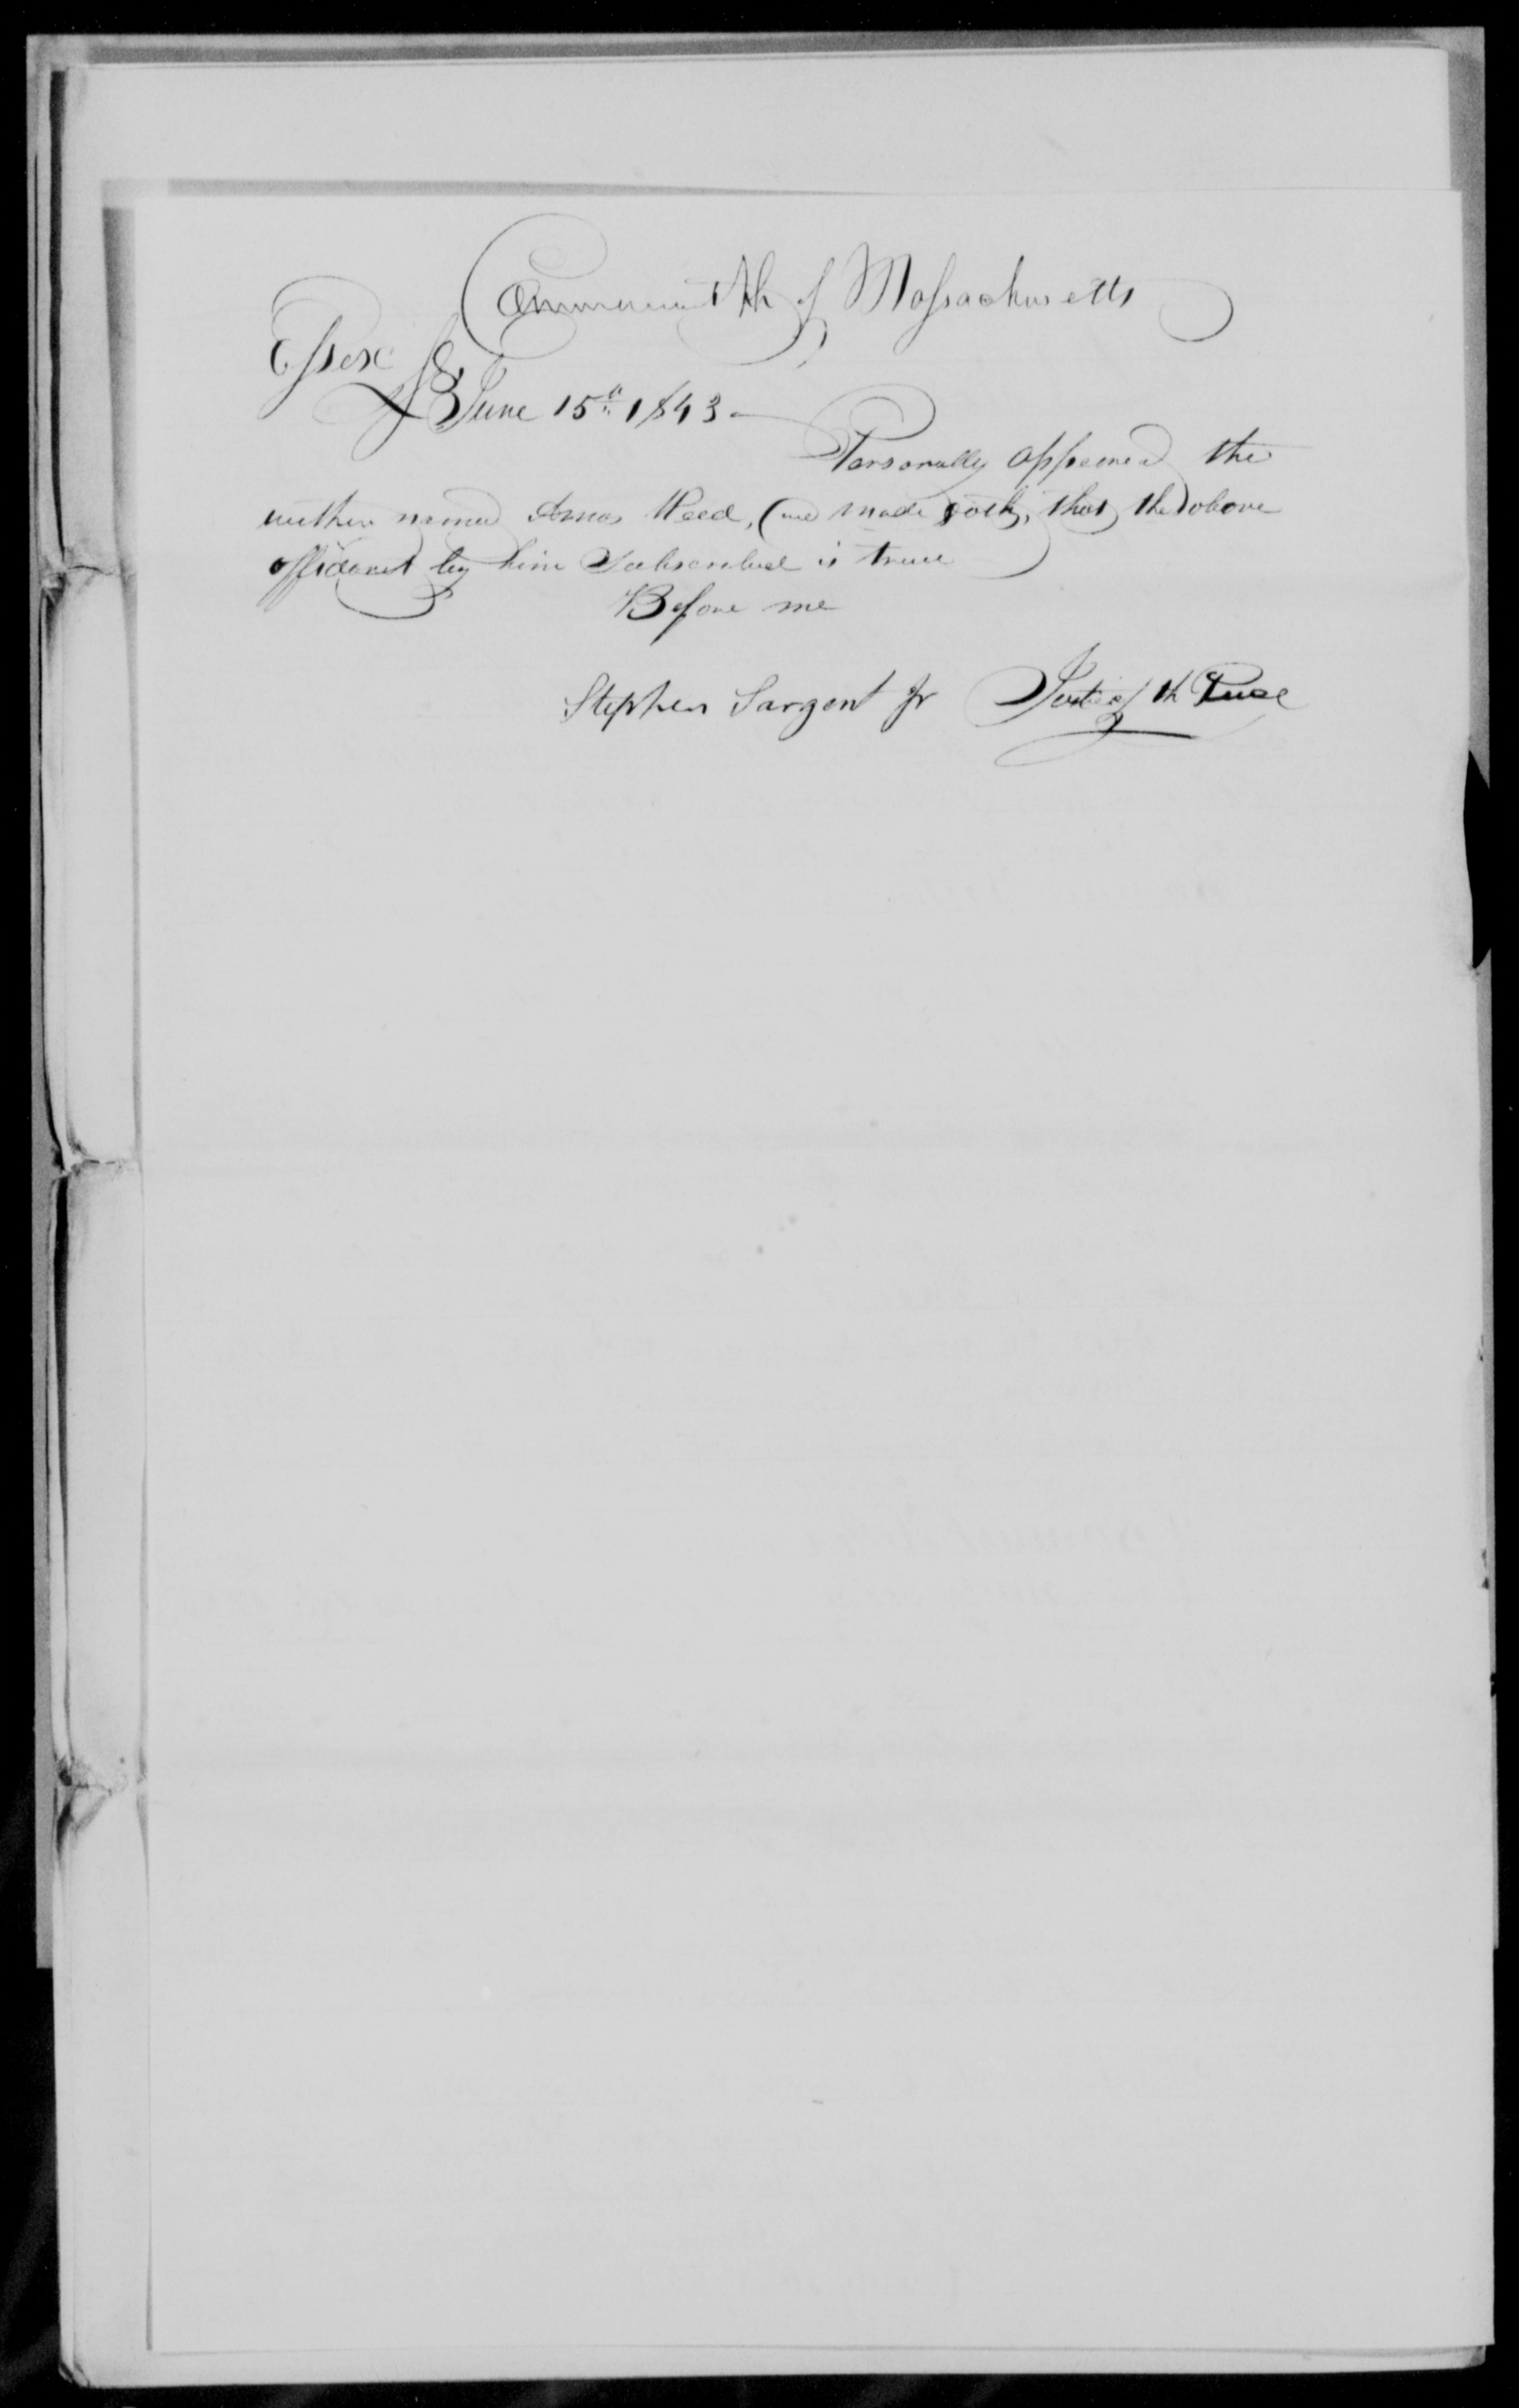Commonwealth of Massachusetts
Essex SS
June 15th 1843.
Personally appeared the within named Amos Reed, and made Oath, that the above affidavit by him subscribed is true
Before me
Stephen Sargent Jr
Justice of the Peace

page: 14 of 55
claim: widow's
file: W. 14,021, for Samuel Tilton, New Hampshire